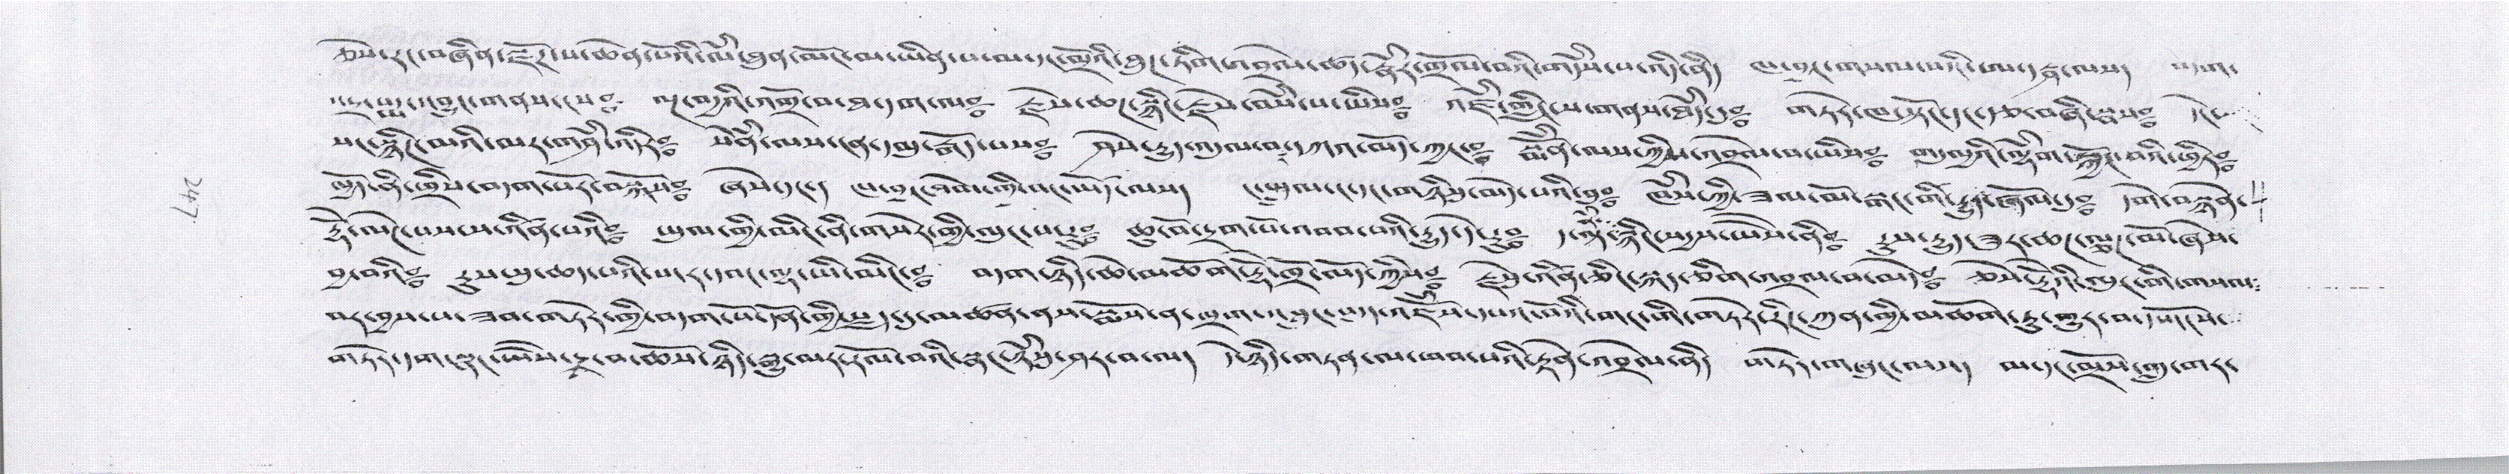ཅེས་རང་བཞིན་རྫོགས་པ་ཆེན་པོའི་ལམ་ཐུན་མོང་མ་ཡིན་པ་མ་དང་མཁའ་འགྲོའི་ཐུགས་ཏིག་འབྲེ་ཚད་རྣམ་པར་གྲོལ་བའི་གདམས་པ་འདི་ནི། ཁ་བྱང་གསལ་བའི་ཨ་དརྴ་ལས། བདག་
འདྲ་པདྨ་འབྱུང་གནས་ངས༔ ལྔ་བརྒྱའི་འགྲོ་བ་ཐ་དག་ལ༔ རྗེས་ཆགས་སྙིང་རྗེས་བསམ་པ་ཡིས༔ འཛམ་གླིང་ས་གནས་ཐམས་ཅད་དུ༔ གཏེར་ཁ་སྟོང་དང་རྩ་བཞི་སྦས༔ དེང་
སང་སྙིགས་མའི་མར་གཤམ་འདིར༔ སེམས་ཅན་ལས་ངན་དམུ་རྒོད་པས༔ ཤེས་རྒྱུད་འདུལ་བར་དཀའ་མོད་ཀྱང༔ སྨོན་ལམ་ལས་ཀྱིས་འབྲེལ་བ་ཡིས༔ གདུལ་བྱའི་ལྷག་མ་སྐྱོང་བའི་ཕྱིར༔ 
ཁྱོད་ནི་ཕྲིན་ལས་བདག་པོར་བསྐོས༔ ཞེས་དང། ཁ་བྱང་ཐེམ་གྱི་བང་མཛོད་ལས། ང་སྤྲུལ་ང་དང་གཉིས་སུ་མེད་པའི་བུ༔ ཁམས་ཀྱི་ཟལ་མོ་སྒང་གི་རྒྱུད་ཞོལ་དུ༔ དགེ་བསྙེན་
རྡོ་རྗེ་ལེགས་པས་ས་འཛིན་པའི༔ ཡུལ་གྱི་མིང་ནི་གསེར་གྱི་ལུང་པ་རུ༔ ཆུ་བོ་དྲག་པོ་འབབ་པའི་རྒྱུད་དེ་རུ༔ ད་ལྟ་་་་་སྙིང་སངས་རྒྱས་ཡེ་ཤེས་ནི༔ རུས་རྒྱུད་ཟུར་ཆགས་ལྕགས་མོ་ཞེས་
བྱ་བའི༔ རུས་སུ་ཆད་པའི་གར་དབང་ལྷ་ཡི་མིང༔ བདག་ཉིད་ཆེ་མཆོག་རྡོ་རྗེ་ཁྲོ་ལོད་ཀྱིས༔ རྗེས་སུ་འཛིན་ཅིང་སྐད་ཅིག་འབྲལ་བ་མེད༔ ཅེས་རྡོ་རྗེའི་ལུང་གི་གསལ་
བར་བྱས་པ་ཟབ་གཏེར་གྱི་བདག་པོ་དོན་གྱི་སླད་དུ་མཚན་ནས་སྨོས་ན་ཁྲག་འཐུང་བདུད་འཇོམས་དཔའ་བོའི་གང་གི་གཏེར་རིགས་ཀུན་གྱི་མཆོག་ཏུ་གྱུར་བ་དགོངས་
གཏེར་དག་སྣང་ཡེ་ཤེས་དྲྭ་བ་ཆོས་ཉིད་སྒྱུ་མར་རོལ་བའི་སྣང་ཉམས་སུ་ཤར་བ་ལ། དེ་ཉིད་གཏན་ལ་ཕབ་པའི་རྟེན་འབྲེལ་ནི། གཏེར་གཞུང་ལས། མ་དང་མཁའ་འགྲོས་གླུ་གར་